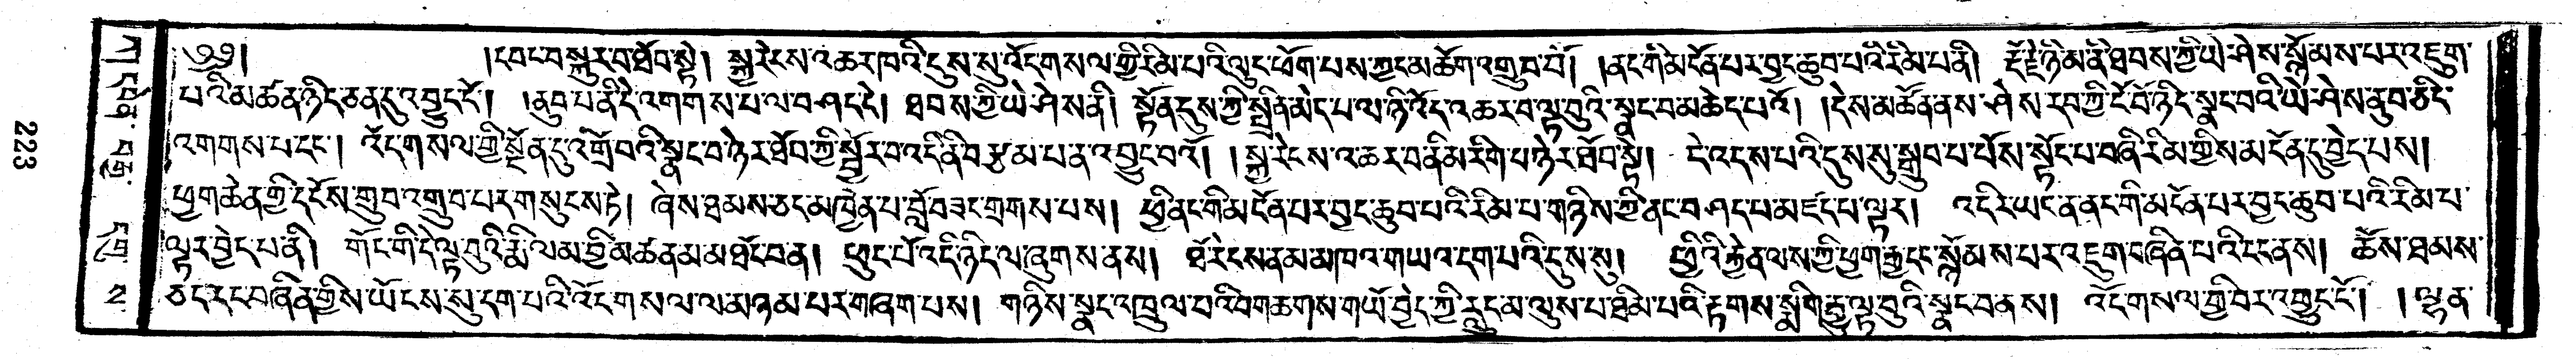༄༅། །དབང་བསྐུར་བ་ཐོབ་སྟེ། སྐྱ་རེངས་འཆར་ཁའི་དུས་སུ་འོད་གསལ་གྱི་རིམ་པའི་ལུང་ཕོག་པས་ཀྱང་མཆོག་འགྲུབ་བོ། །ནང་གི་མངོན་པར་བྱང་ཆུབ་པའི་རིམ་པ་ནི། རྡོ་རྗེ་ཉི་མ་ནི་ཐབས་ཀྱི་ཡེ་ཤེས་སྙོམས་པར་འཇུག་
པའི་མཚན་ཉིད་ཅན་དུ་འབྱུང་ངོ། །ནུབ་པ་ནི་དེ་འགགས་པ་ལ་བཤད་དེ། ཐབས་ཀྱི་ཡེ་ཤེས་ནི། སྟོན་དུས་ཀྱི་སྤྲིན་མེད་པ་ལ་ཉི་འོད་འཆར་བ་ལྟ་བུའི་སྣང་བ་མཆེད་པའོ། །དེས་མཚོན་ནས་ཤེས་རབ་ཀྱི་ངོ་བོ་ཉིད་སྣང་བའི་ཡེ་ཤེས་ནུབ་ཅིང་
འགགས་པ་དང་། འོད་གསལ་གྱི་སྔོན་དུ་འགྲོ་བའི་སྣང་བ་ཉེར་ཐོབ་ཀྱི་སྦྱོར་བ་འདི་ནི་བརྩམ་པ་ན་འབྱུང་བའོ། །སྐྱ་རེངས་འཆར་བ་ནི་མ་རིག་པ་ཉེར་ཐོབ་སྟེ། དེ་འདས་པའི་དུས་སུ་སྒྲུབ་པ་པོས་སྟོང་པ་བཞི་རིམ་གྱིས་མངོན་དུ་བྱེད་པས།
ཕྱག་ཆེན་གྱི་དངོས་གྲུབ་འགྲུབ་པར་གསུངས་ཏེ། ཞེས་ཐམས་ཅད་མཁྱེན་པ་བློ་བཟང་གྲགས་པས། ཕྱི་ནང་གི་མངོན་པར་བྱང་ཆུབ་པའི་རིམ་པ་གཉིས་ཀྱི་ནང་བཤད་པ་མཛད་པ་ལྟར། འདིར་ཡང་ན་ནང་གི་མངོན་པར་བྱང་ཆུབ་པའི་རིམ་པ་
ལྟར་བྱེད་པ་ནི། གོང་གི་དེ་ལྟ་བུའི་རྨི་ལམ་གྱི་མཚན་མ་མཐོང་བ་ན། ཕུང་པོ་འདི་ཉིད་ལ་ཞུགས་ནས། ཐོ་རེངས་ནམ་མཁའ་གཡའ་དག་པའི་དུས་སུ། ཕྱིའི་རྐྱེན་ལས་ཀྱི་ཕྱག་རྒྱ་དང་སྙོམས་པར་འཇུག་བཞིན་པའི་དང་ནས། ཆོས་ཐམས་
ཅད་དང་བཞིན་གྱིས་ཡོངས་སུ་དག་པའི་འོད་གསལ་ལ་མཉམ་པར་གཞག་པས། གཉིས་སྣང་འཁྲུལ་པའི་བག་ཆགས་གཡོ་བྱེད་ཀྱི་རླུང་མ་ལུས་པ་ཐིམ་པའི་རྟགས་སྨིག་རྒྱུ་ལྟ་བུའི་སྣང་བ་ནས། འོད་གསལ་གྱི་བར་འབྱུང་ངོ། །ལྷན་